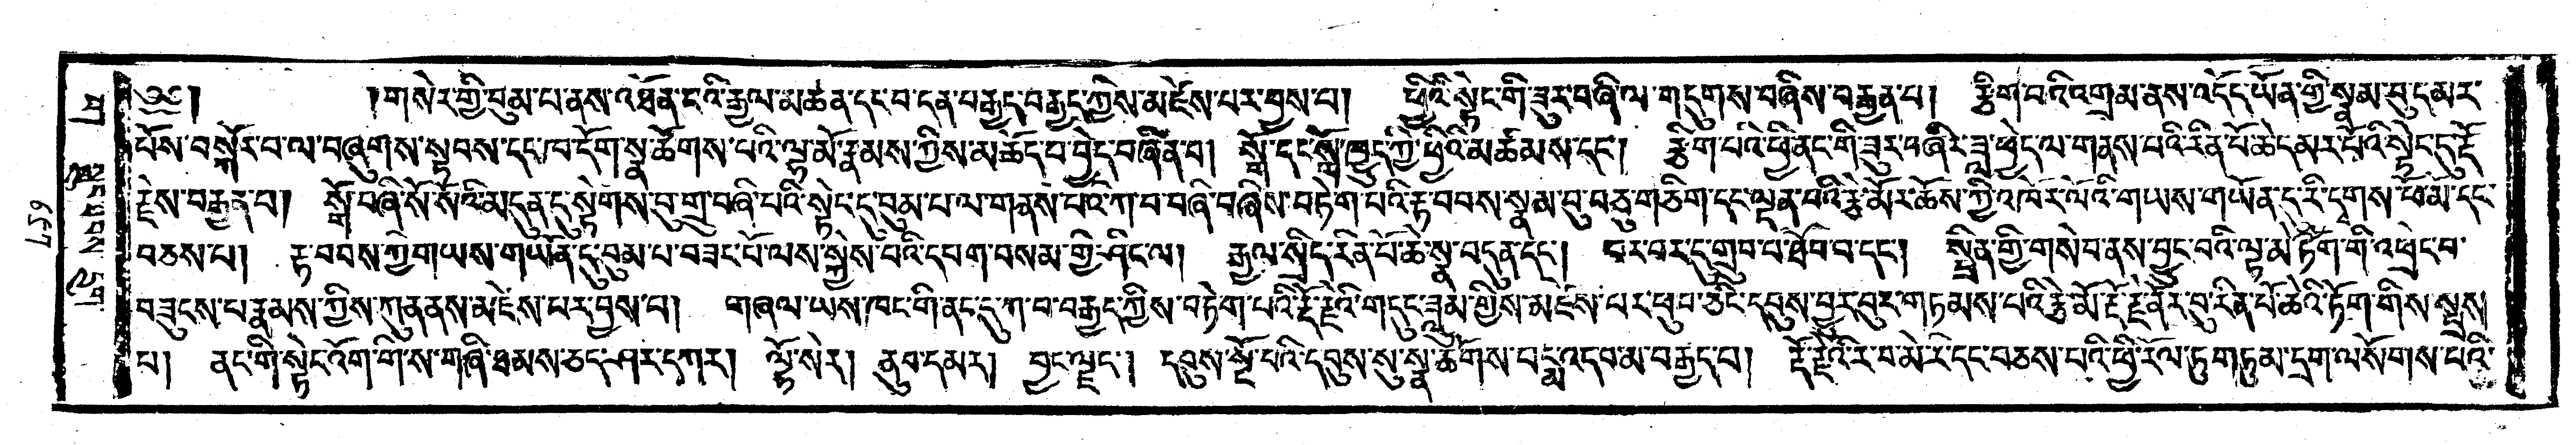༄༅། །གསེར་གྱི་བུམ་པ་ནས་འཐོན་བའི་རྒྱལ་མཚན་དང་བ་དན་བརྒྱད་བརྒྱད་ཀྱིས་མཛེས་པར་བྱས་པ། ཕྱིའི་སྟེང་གི་ཟུར་བཞི་ལ་གདུགས་བཞིས་བརྒྱན་པ། རྩིག་བའི་འགྲམ་ནས་འདོད་ཡོན་གྱི་སྣམ་བུ་དམར་
པོས་བསྐོར་བ་ལ་བཞུགས་སྟབས་དང་ཁ་དོག་སྣ་ཚོགས་པའི་ལྷ་མོ་རྣམས་ཀྱིས་མཆོད་པ་བྱེད་བཞིན་བ། སྒོ་དང་སྒོ་ཁྱུད་ཀྱི་ཕྱིའི་མཚམས་དང་། རྩིག་པའི་ཕྱི་ནང་གི་ཟུར་བཞིར་ཟླ་ཕྱེད་ལ་གནས་པའི་རིན་པོ་ཆེ་དམར་པོའི་སྟེང་དུ་རྡོ་
རྗེས་བརྒྱན་པ། སྒོ་བཞི་སོ་སོའི་མདུན་དུ་སྟེགས་བུ་གྲུ་བཞི་པའི་སྟེང་དུ་བུམ་པ་ལ་གནས་པའི་ཀ་བ་བཞི་བཞིས་བཏེག་པའི་རྟ་བབས་སྣམ་བུ་བཅུ་གཅིག་དང་ལྡན་བའི་རྩེ་མོར་ཆོས་ཀྱི་འཁོར་ལོའི་གཡས་གཡོན་ད་རི་དྭགས་ཕོ་མོ་དང་
བཅས་པ། རྟ་བབས་ཀྱི་གཡས་གཡོན་དུ་བུམ་པ་བཟང་པོ་ལས་སྐྱེས་པའི་དཔག་བསམ་གྱི་ཤིང་ལ། རྒྱལ་སྲིད་རིན་པོ་ཆེ་སྣ་བདུན་དང་། བར་བར་དུ་གྲུབ་པ་ཐོབ་པ་དང་། སྤྲིན་གྱི་གསེབ་ནས་བྱུང་བའི་ལྟ་མེ་ཏོག་གི་འཕྲེང་བ་
བཟུངས་པ་རྣམས་ཀྱིས་ཀུན་ནས་མཛེས་པར་བྱས་པ། གཞལ་ཡས་ཁང་གི་ནང་དུ་ཀ་བ་བརྒྱད་ཀྱིས་བཏེ་ག་པའི་རྡོ་རྗེའི་གདུང་ཟླུམ་གྱིས་མཛེས་པར་ཕུབ་ཅིང་དབུས་བྱར་བུར་གཏམས་པའི་རྩེ་མོ་རྡོ་རྗེ་ནོར་བུ་རིན་པོ་ཆེའི་ཏོག་གིས་སྤྲས།
པ། ནང་གི་སྟེང་འོག་གི་ས་གཞི་ཐམས་ཅད་ཤར་དཀར། ལྷོ་སེར། ནུབ་དམར། བྱང་ལྗང་། དབུས་སྔོ་པའི་དབུས་སུ་སྣ་ཚོགས་པདམ་འདབ་མ་བརྒྱད་པ། རྡོ་རྗེའི་ར་བ་མེ་རི་དང་བཅས་པའི་ཕྱི་རོལ་ཏུ་གཏུམ་དྲག་ལ་སོགས་པའི་